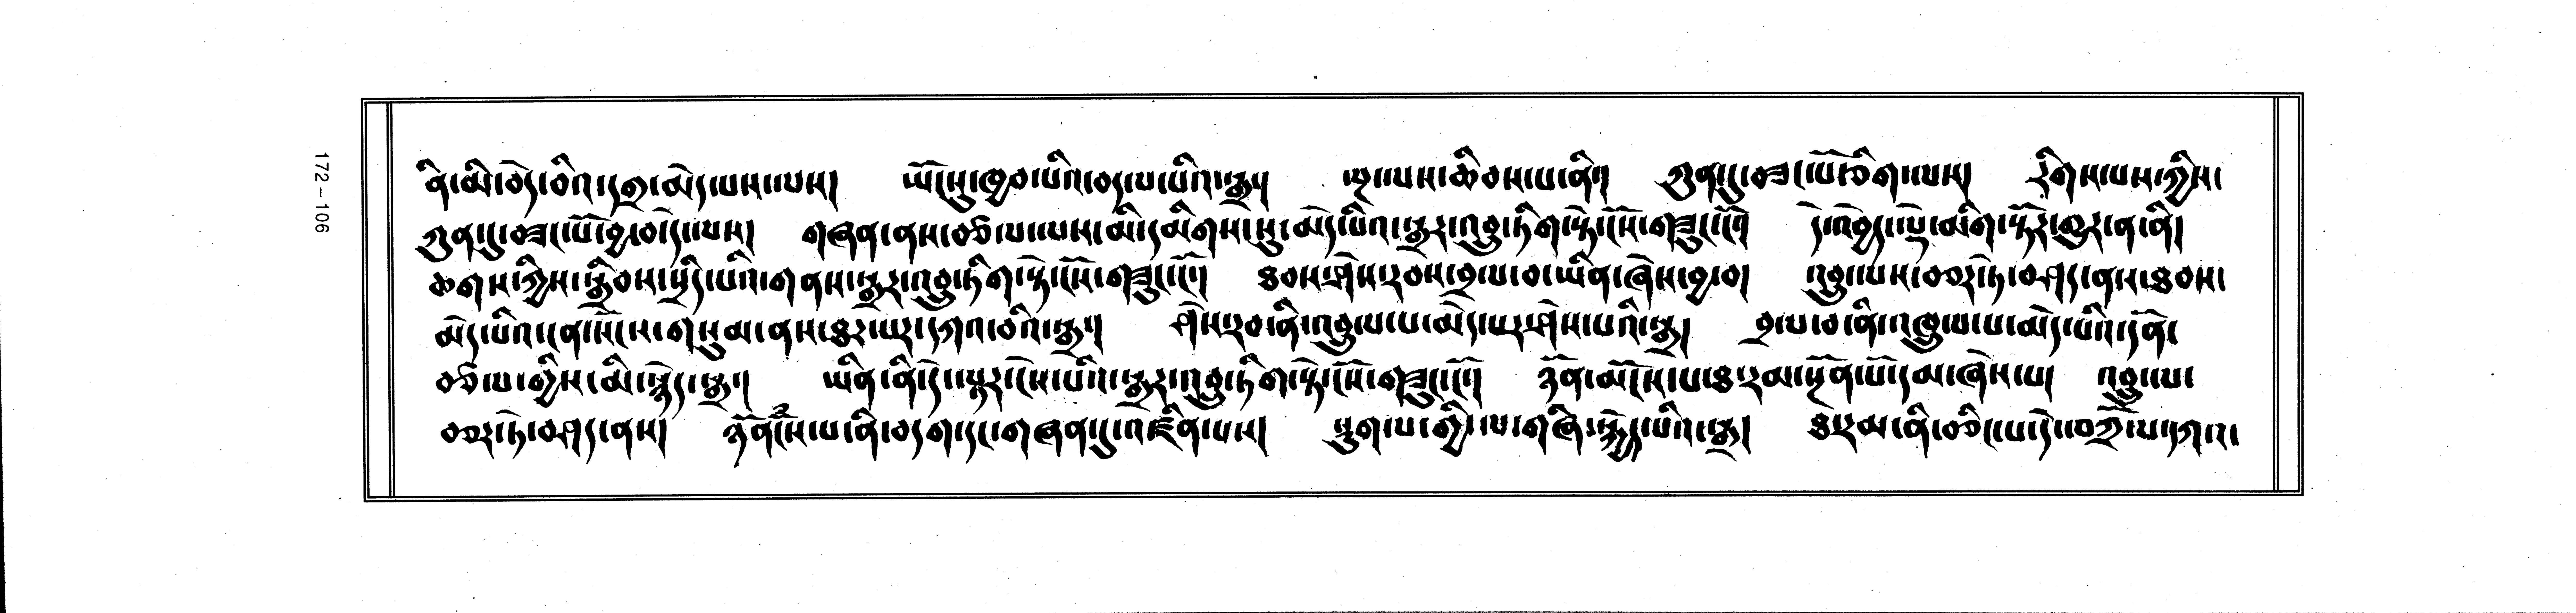ནི་མི་བདེ་བའི་དགྲ་མེད་པས་ལས། ཡོངས་སུ་ཁྱབ་པའི་བདལ་བའི་སྒྲ། ལྔ་ལས་ཆིབས་པ་ནི། ཀུན་དུ་བཟང་པོ་ཅིག་ལས། རིགས་པས་ཀྱིས་
ཀུན་དུ་བཟང་པོ་བྱ་བ་དེ་ལས། གཞན་ནས་བཙལ་ལས་མི་དམིགས་སུ་མེད་པའི་སྒྲར་འབྲུ་ཏིག་སྟེ་ངོས་གཟུང་ངོ་། དེ་འབྱེད་ལྡེ་མིག་སྟོར་གྱུར་ན་ནི། 
ཆགས་ཀྱིས་སྒྲིབས་སྲིད་པའི་གནས་སྒྲར་འབྲུ་ཏིག་སྟེ་ངོས་བཟུང་ངོ་། ཐབས་ཤེས་རབ་བྲལ་བ་ཡིན་ཞེས་བྱ་བ། འབྲུ་ལས་བཅར་ཏེ་བཤད་ནས་ཐབས་
མེད་པའི་ངན་སོངས་གསུམ་ནས་ཐར་པར་དཀའ་བའི་སྒྲ། ཤེས་རབ་ནི་འབྲུལ་བ་མེད་པར་ཤེས་པའི་སྒྲ། བྲལ་བ་ནི་འཁྲུལ་པ་མེད་པའི་དོན་
བཙལ་གྱིས་མི་སྙེད་སྒྲ། ཡིན་ནི་དེ་ལྟར་ངེས་པའི་སྒྲར་འབྲུ་ཏིག་སྟེ་གཟུང་ངོ་། ཉོན་མོངས་པ་ཐ་རམ་སྔོན་པོ་དམ་ཞེས་པ། འབྲུ་ལ་
བཅར་ཏེ་བཤད་ནས། ཉོན་མོངས་པ་ནི་བདག་དང་གཞན་དུ་འཛིན་པས། སྡུག་བསྔལ་གྱི་ལ་གཞི་སྐྱེད་པའི་སྒྲ། ཐ་རམ་ནི་བཅིང་པ་དེ་བཀྲལ་དཀའ་